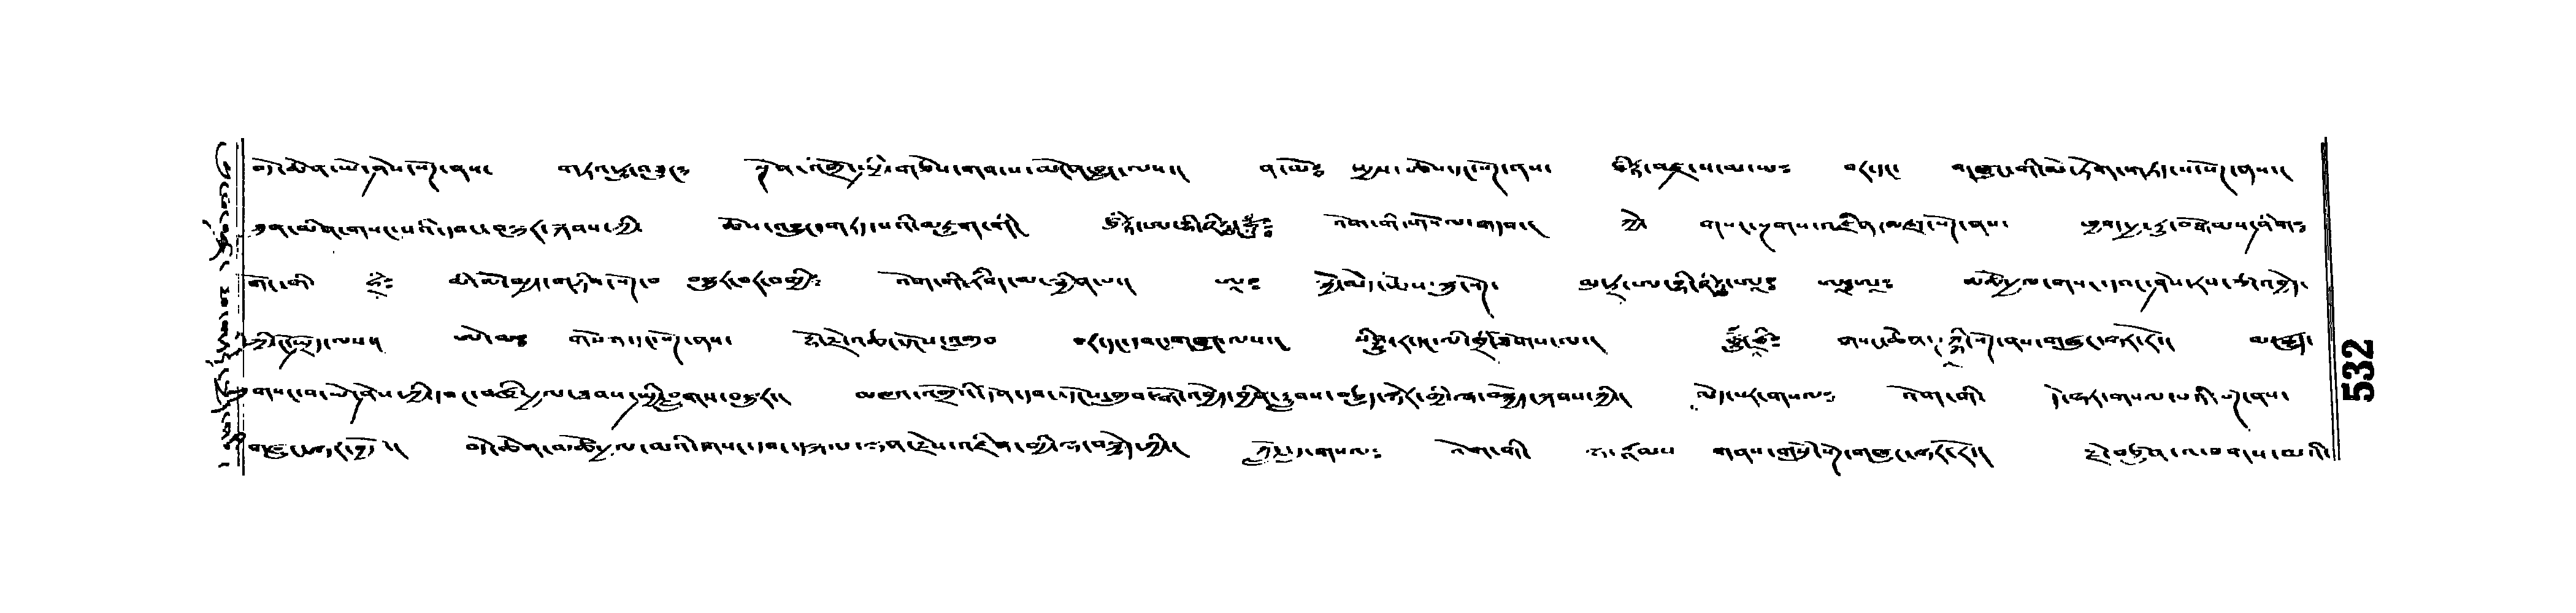བདེ་ཆེན་ཡེ་ཤེས་སོགས་ནས། གཏའ་རུ་བཟུང༔ སྔོན་འགྲོ་སྤྱི་གཅེས་གབ་པ་མངོན་ཕྱུང་ལས། ན་མོ༔ སངས་རྒྱས་ཆོས་དང་སོགས་ནས། 
ཅིཏྟ་བཛྲ་ས་མ་ཡ༔ བར་དང་། གཞུང་གི་མེ་ཏོག་གཏད་པ་སོགས་ནས། ཐུན་མིན་གསང་པའི་དབང་བསྐུར་སྐབས་ཀྱི་ཆོས་འབྱུང་གཏད་པའི་མཇུག་ག ི ཙིཏྟ་ཨ་བྷི་རིཉྩ་ཧཱུྃ༔ འོག་གི་གསོལ་གདབ། ཀྱཻ། གསང་སྔགས་འཛིན་མཛད་སོགས་ནས། ཕྱག་རྒྱ་རུ་བསྒོམས་ཤིག༔ 
གོང་གི ཧྲཱིཿ མི་མོ་བརྒྱད་གཉིས་སོགས། བསྐུར་བར་བགྱི༔ འོག་གི་རིག་མ་སྦྱིན་པ། ཨཱཿ སྐྱེ་མེད་ཆོས་སྐུ་སོགས། མུ་དྲ་ཨ་བྷི་རིཉྩ་ཨཱཿ ཨཱཿཨཱཿ མཚོ་རྒྱལ་གསང་དབང་ཤེས་རབ་རྩ་འབྱེད་
ཀྱི་ངོ་སྤྲོད་ལས། ཨེ་མ༔ གསོན་དང་སོགས་ནས། རྡོ་རྗེ་འཆང་དངོས་འགྲུབ༔ བར་དང་དབང་གཞུང་ལས། སིནྡྷུ་ར་དང་ལི་ཁྲི་ཐོགས་ལ། ཧཱུྃ་ཧྲཱིཿ གསང་ཆེན་ཌཱཀྐི་སོགས་ནས་གཞུང་ལྟར་རོ། མ་རྒྱུད་
གསང་བ་ཡེ་ཤེས་ཀྱི་དབང་བཞི་རྒྱལ་ཐབས་སྤྱི་བླུགས་བསྐུར། མཁའ་འགྲོའི་དོན་དབང་དངོས་གྲུབ་སྒོ་འབྱེད་བྱིན་རླབས་བཅུད་སྟེར་གྱི་ལྷ་བསྐྱེད་སྐབས་ཀྱི།མེད་པར་གསལ༔ འོག་གི དེ་ལྟར་གསལ་པའི་སོགས་ནས་
གཞུང་ལྟར་བྱའོ། བདེ་ཆེན་མཚོ་རྒྱལ་མའི་གསང་དབང་སྐལ་ལྡན་རྗེས་འཛིན་གྱི་ལྷ་བསྐྱེད་ཀྱི། ཀློང་དུ་གསལ༔ འོག་གི ལྷ་རྣམས་ཀྱི་གནས་གསུམ་སོགས་གཞུང་ལྟར་རོ། རྗེ་བཙུན་འཕགས་མའི་